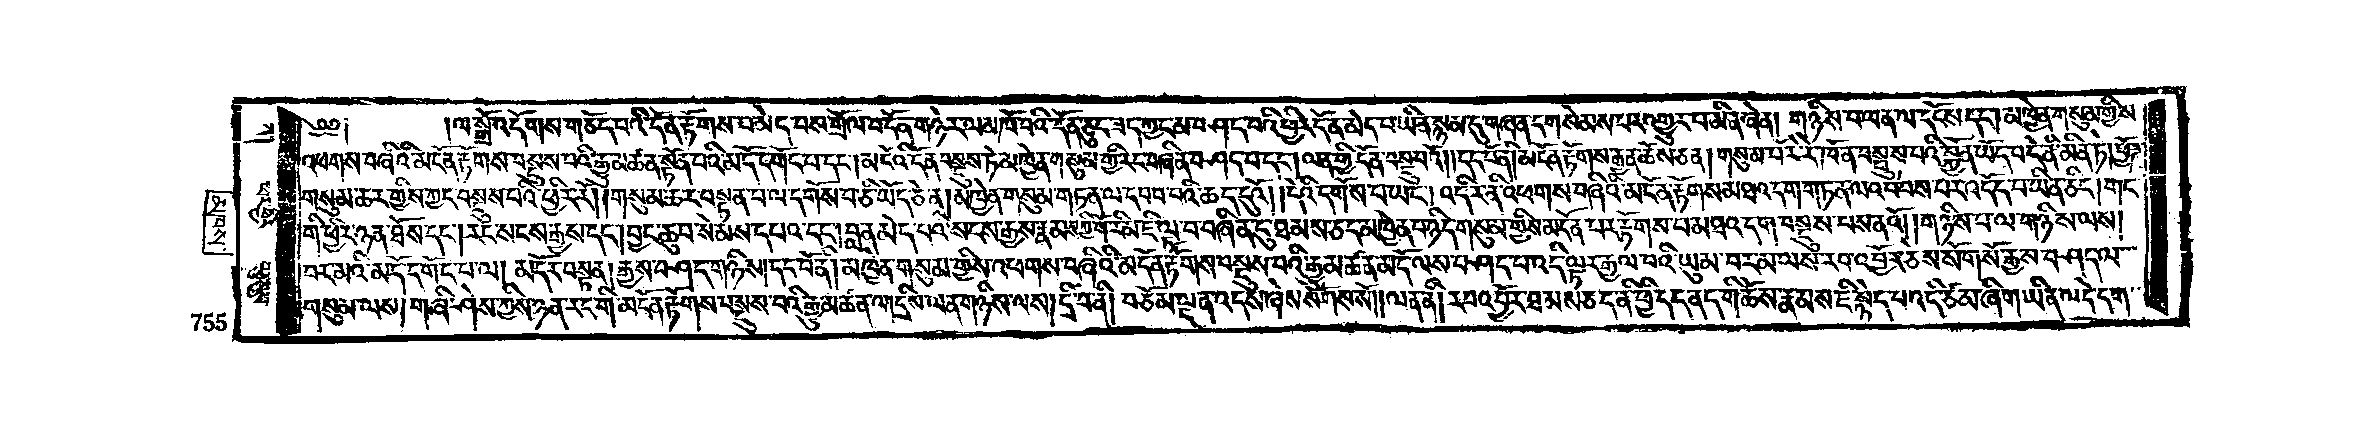༄༅། །ལ་སྒྲོ་འདོགས་གཅོད་པའི་དོན་རྟོགས་པ་མེད་པས་གྲོལ་བ་དོན་གཉེར་ལམ་ཁོ་བའི་དོན་ཅུང་ཟད་ཀྱང་མ་བཤད་པའི་ཕྱིར་དོན་མེད་པ་ཡིན་སྙམ་དུ་གཞན་དག་སེམས་པར་འགྱུར་བ་མིན་ཞེ་ན། གཉིས་པ་ལན་ལ་དངོས་དང་། མཁྱེན་གསུམ་གྱིས་
འཕགས་བཞིའི་མངོན་རྟོགས་བསྡུས་པའི་རྒྱུ་མཚན་སྟོན་པའི་མདོ་དགོང་པ་དང་། མདོའི་དོན་བསྡུས་ཏེ་མཁྱེན་གསུམ་གྱི་རང་བཞིན་བཤད་པ་དང་། ལན་གྱི་དོན་བསྡུ་བའོ། །དང་པོ་ནི། མངོན་རྟོགས་རྒྱན་ཆོས་ཅན། གསུམ་པོ་རེ་རེ་ཁོ་ན་བསྡུས་པའི་སྐྱོན་ཡོད་པ་དེ་ནི་མིན་ཏེ། ཕྱོགས་
གསུམ་ཆར་གྱིས་ཀྱང་བསྡུས་པའི་ཕྱིར་རོ། །གསུམ་ཆར་བསྟན་པ་ལ་དགོས་པ་ཅི་ཡོད་ཅེ་ན། མཁྱེན་གསུམ་གཏན་ལ་དབབ་པའི་ཆད་དུའོ། །དེའི་དགོས་པ་ཡང་། འདིར་ནི་འཕགས་བཞིའི་མངོན་རྟོགས་མཐའ་དག་གཏན་ལ་འབེབས་པར་འདོད་པ་ཡིན་ཅིང་། གང་
གི་ཕྱིར་ཉན་ཐོས་དང་། རང་སངས་རྒྱས་དང་། བྱང་ཆུབ་སེམས་དཔའ་དང་། བླ་ན་མེད་པའི་སངས་རྒྱས་རྣམས་ཀྱི་གོ་རིམ་ཇི་ལྟ་བ་བཞིན་དུ་ཐམས་ཅད་མཁྱེན་པ་ཉིད་གསུམ་གྱིས་མངོན་པར་རྟོགས་པ་མཐའ་དག་བསྡུས་པས་ནའོ། །གཉིས་པ་ལ་གཉིས་ལས།
བར་མའི་མདོ་དགོང་པ་ལ། མདོར་བསྟན། རྒྱས་བཤད་གཉིས། དང་པོ་ནི། མཁྱེན་གསུམ་གྱིས་འཕགས་བཞིའི་མངོན་རྟོགས་བསྡུས་པའི་རྒྱུ་མཚན་མདོ་ལས་བཤད་པ་འདི་ལྟར་རྒྱལ་བའི་ཡུམ་བར་མ་ལས་རབ་འབྱོར་ཅེས་སོགས་སོ་རྒྱས་བཤད་ལ་
གསུམ་ལས། གཞི་ཤེས་ཀྱིས་ཉན་རང་གི་མངོན་རྟོགས་བསྡུས་པའི་རྒྱུ་མཚན་ལ། དྲིས་ལན་གཉིས་ལས། དྲི་བ་ནི། བཅོམ་ལྡན་འདས་ཞེས་སོགས་སོ། །ལན་ནི། རབ་འབྱོར་ཐམས་ཅད་ནི་ཕྱི་དང་ནང་གི་ཆོས་རྣམས་ཇི་སྙེད་པ་འདི་ཙམ་ཞིག་ཡིན་ལ་དེ་དག་